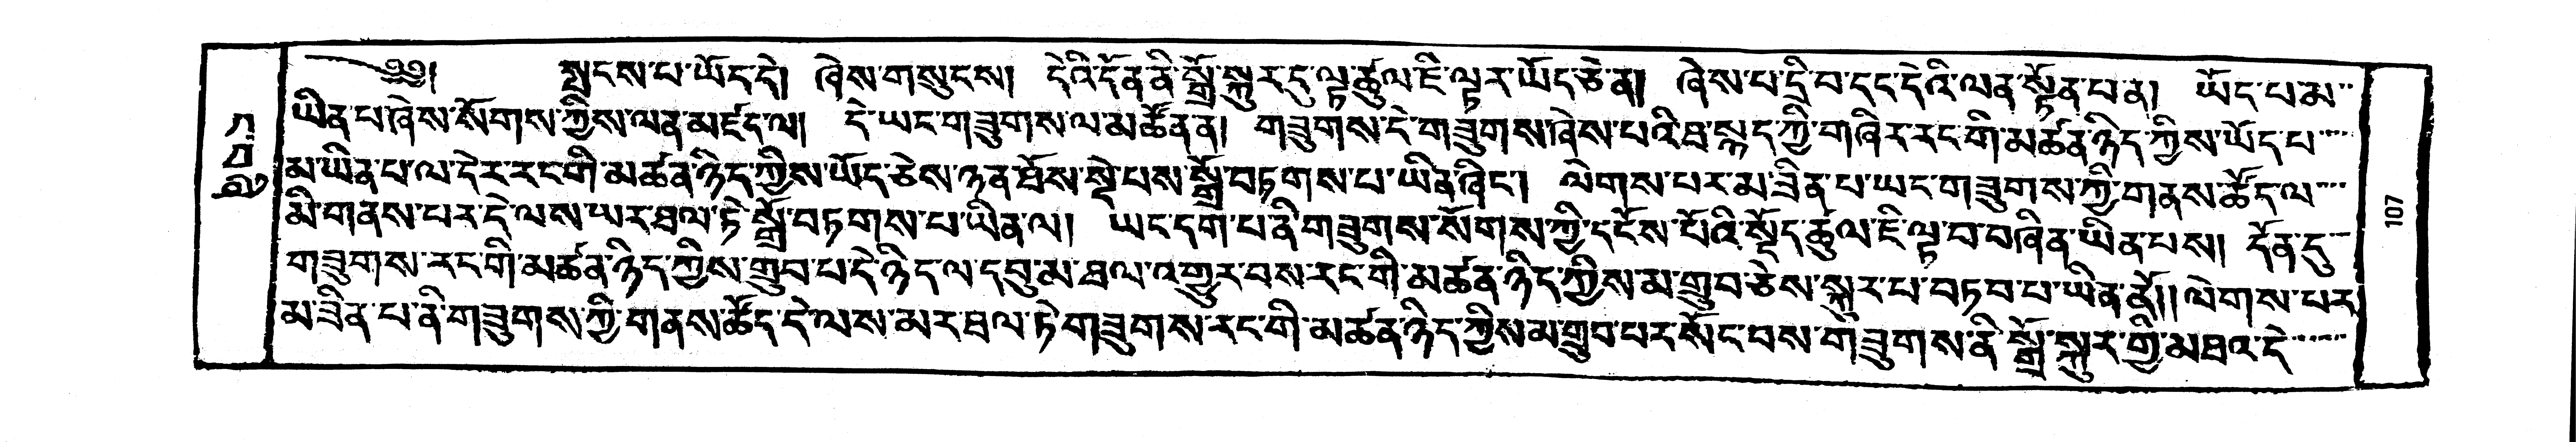༄༅། །སྤངས་པ་ཡོད་དེ། ཞེས་གསུངས། དེའི་དོན་ནི་སྒྲོ་སྐུར་དུ་ལྟ་ཚུལ་ཇི་ལྟར་ཡོད་ཅེ་ན། ཞེས་པ་དྲི་བ་དང་དེའི་ལན་སྟོན་པ་ན། ཡོད་པ་མ་
ཡིན་པ་ཞེས་སོགས་ཀྱིས་ལན་མཛད་ལ། དེ་ཡང་གཟུགས་ལ་མཚོན་ན། གཟུགས་དེ་གཟུགས་ཞེས་པའི་ཐ་སྙད་ཀྱི་གཞིར་རང་གི་མཚན་ཉིད་ཀྱིས་ཡོད་པ་
མ་ཡིན་པ་ལ་དེར་རང་གི་མཚན་ཉིད་ཀྱིས་ཡོད་ཅེས་ཉན་ཐོས་སྡེ་པས་སྒྲོ་བཏགས་པ་ཡིན་ཞིང་། ལེགས་པར་མ་ཟིན་པ་ཡང་གཟུགས་ཀྱི་གནས་ཚོད་ལ་
མི་གནས་པར་དེ་ལས་ཡར་ཐལ་ཏེ་སྒྲོ་བཏགས་པ་ཡིན་ལ། ཡང་དག་པ་ནི་གཟུགས་སོགས་ཀྱི་དངོས་པོའི་སྡོད་ཚུལ་ཇི་ལྟ་བ་བཞིན་ཡིན་པས། དོན་དུ་
གཟུགས་རང་གི་མཚན་ཉིད་ཀྱིས་གྲུབ་པ་དེ་ཉིད་ལ་དབུ་མ་ཐལ་འགྱུར་བས་རང་གི་མཚན་ཉིད་ཀྱིས་མ་གྲུབ་ཅེས་སྐུར་པ་བཏབ་པ་ཡིན་ནོ། །ལེགས་པར་
མ་ཟིན་པ་ནི་གཟུགས་ཀྱི་གནས་ཚོད་དེ་ལས་མར་ཐལ་ཏེ་གཟུགས་རང་གི་མཚན་ཉིད་ཀྱིས་མ་གྲུབ་པར་སོང་བས་གཟུགས་ནི་སྒྲོ་སྐུར་གྱི་མཐའ་དེ་